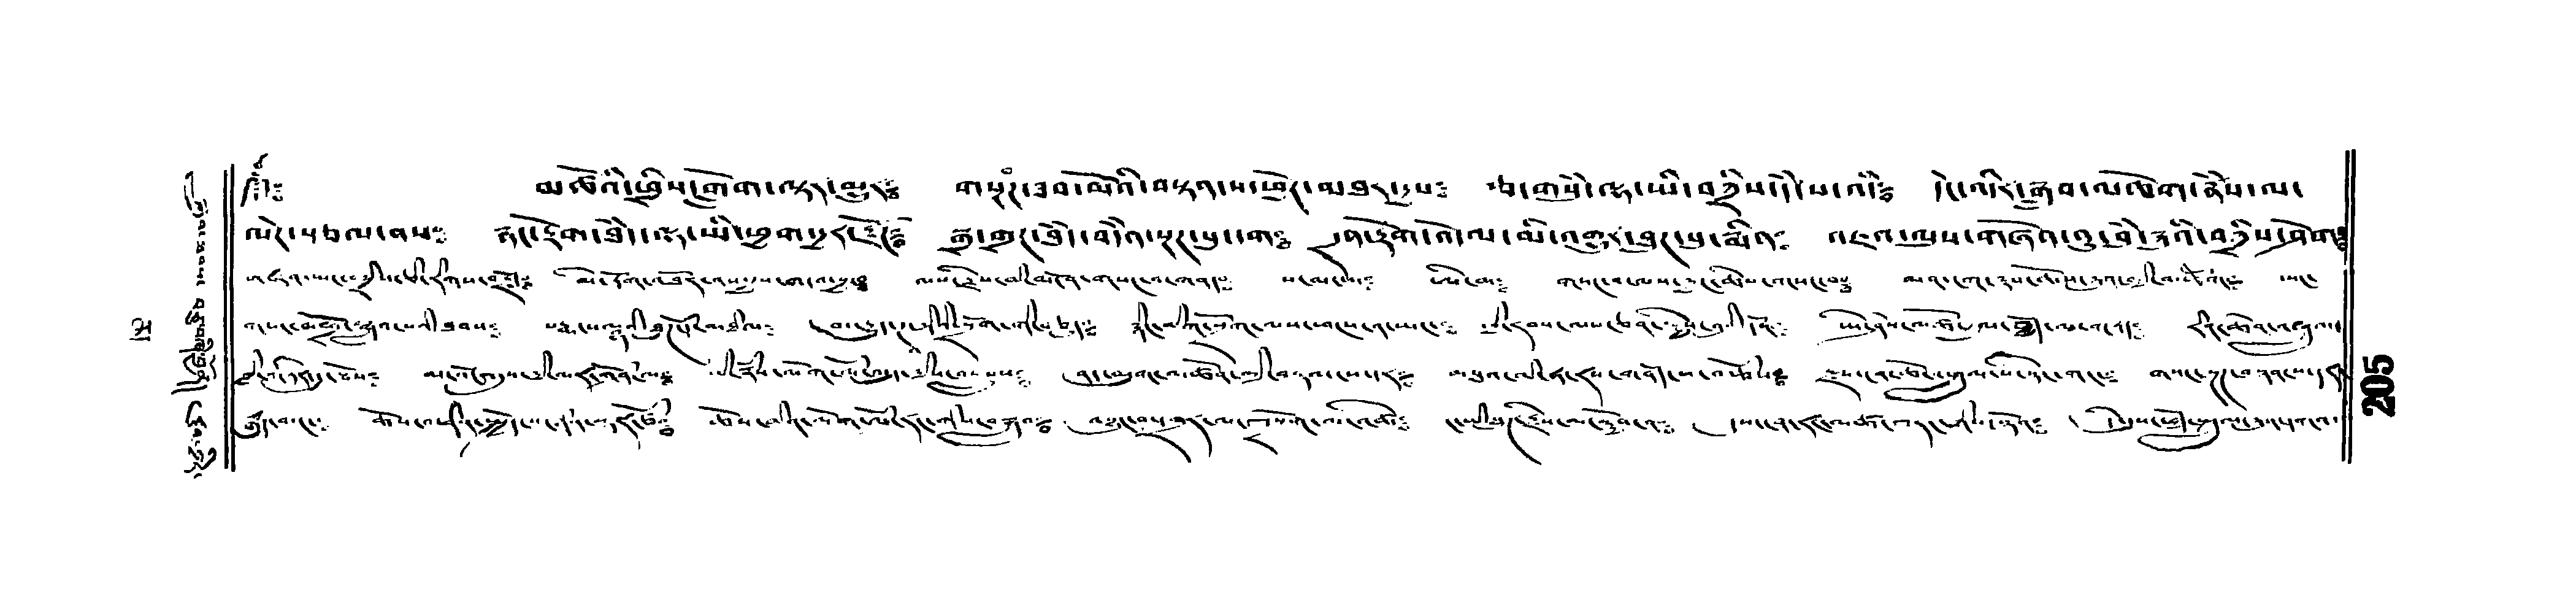མཚོའི་ཕྲིན་ལས་གློག་ལྟར་མྱུར༔ གསང་སྔགས་ཟབ་མོའི་བསྟན་པ་ཕྱོགས་མཐར་རྒྱས༔ རྩ་གསུམ་ལྷ་ཡི་བཀྲ་ཤིས་དམ་པ་འདི༔ དེང་འདིར་སྒྲུབ་མཆོག་རྣམས་ལ་
ལེགས་སྩལ་ནས༔ སྣང་རྟོག་ཐམས་ཅད་ལྷ་ཡི་ཕྱག་རྒྱར་རྫོགས༔ སྒྲ་གྲགས་ཐམས་ཅད་བདེ་ཆེན་སྔགས་སུ་དག༔ དྲན་རྟོག་འོད་གསལ་མི་འགྱུར་ཐུགས་སུ་སྨིན༔ འཇའ་ལུས་གཞོན་ནུ་བུམ་སྐུའི་བཀྲ་ཤིས་ཤོག༔ 
གཞན་ཡང་བཀྲ་ཤིས་ཅི་རིགས་བརྗོད༔ མེ་ཏོག་འཐོར་ནས་རྒྱས་གདབ་བྱ༔ ལས་རྗེས་མི་མངོན་གསང་བ་གནད༔ ས་མ་ཡ༔ ཨེ་མ༔ གསང་བ་ལས་ཀྱང་ཆེས་གསང་བ༔ མན་ངག་ཟབ་ཆོས་ཀུན་གྱི་མཆོག༔ ཡང་
གསང་མཁའ་འགྲོ་སྒྲུབ་པའི་ཐབས༔ པདྨ་སམྦྷའི་ཐུགས་དམ་མཐིལ༔ མ་རྒྱུད་ཌཱ་ཀིའི་སྲོག་གི་བཅུད༔ སྙིང་མིག་སྲོག་ལས་ཕངས་ན་ཡང༔ ཕྱི་རབས་ལས་ཅན་སྐྱེས་བུའི་དོན༔ ཡེ་ཤེས་མཚོ་རྒྱལ་ཁྱོད་ལ་གཏད༔ རིན་ཆེན་འཁྲུལ་
གྱི་གཏེར་དུ་སྦོས༔ མ་འོངས་དུས་ཀྱི་མར་གཤམ་ལ༔ མི་རྣམས་ལོག་ལམ་འདུད་ཀྱི་བརླབས༔ ནད་མུག་མཚོན་གྱི་བསྐལ་པ་དར༔ མཐའ་མི་ཧ་རས་གནོད་པ་བརྩམས༔ རྫས་ངན་ཆོ་འཕྲུལ་ས་སྟེང་གང༔ གསང་སྔགས་བསྟན་པ་དར་
རྒུད་མང༔ ཆོས་བཞིན་སྤྱོད་པ་ཉིན་སྐར་ཙམ༔ ཆོས་མིན་ལོག་ལམ་རང་གིས་བསྒྲུབ༔ འབྱུང་བ་དགྲར་ལངས་སྲོག་ལ་འཚེ༔ང་ཡི་ཐུགས་རྗེས་མ་སྐྱོབ་ན༔ དུས་ངན་རང་མཚངས་རང་གིས་སྟོན༔ དེ་དུས་ཁྱོད་སྤྲུལ་ཀུན་དགའ་